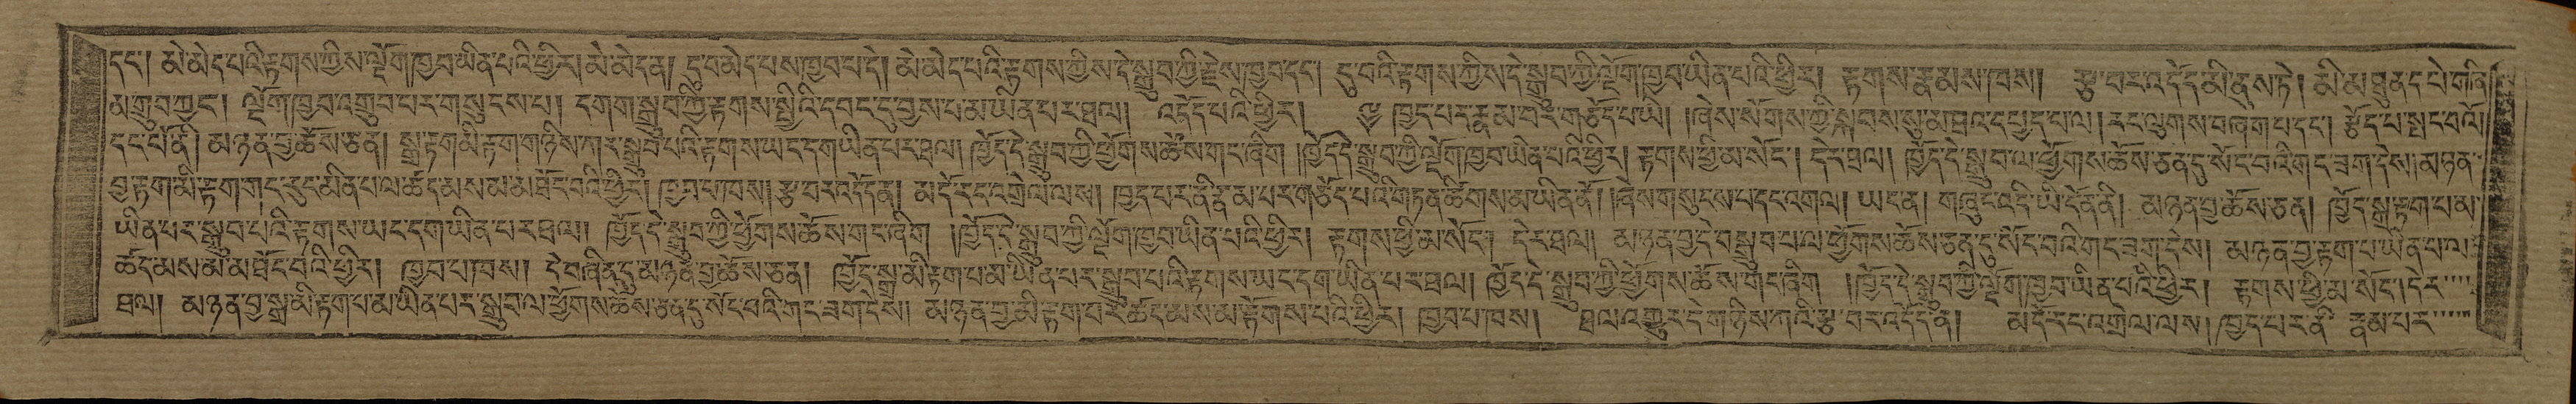དང་། མེ་མེད་པའི་རྟགས་ཀྱིས་ལྡོག་ཁྱབ་ཡིན་པའི་ཕྱིར། མེ་མེད་ན། དུ་བ་མེ་པས་ཁྱབ་པ་དེ། མེ་མེད་པའི་རྟགས་ཀྱིས་དེ་སྒྲུབ་ཀྱི་རྗེས་ཁྱབ་དང་། དུ་བའི་རྟགས་ཀྱིས་དེ་སྒྲུབ་ཀྱི་ལྡོག་ཁྱབ་ཡིན་པའི་ཕྱིར། རྟགས་རྣམས་ཁས། རྩ་བར་འདོད་མི་ནུས་ཏེ། མི་མཐུན་དཔེ་གཞི་
མ་གྲུབ་ཀྱང་། ལྡོག་ཁྱབ་འགྲུབ་པར་གསུངས་པ། དགག་སྒྲུབ་ཀྱི་རྟགས་སྤྱིའི་དབང་དུ་བྱས་པ་མ་ཡིན་པར་ཐལ། འདོད་པའི་ཕྱིར། ༈ ཁྱད་པར་རྣམ་པར་གཅོད་པ་ཡི། །ཞེས་སོགས་ཀྱི་སྐབས་སུ་མཐའ་དཔྱད་པ་ལ། རང་ལུགས་བཞག་པ་དང་། རྩོད་པ་སྤང་བའོ།
དང་པོ་ནི། མཉན་བྱ་ཆོས་ཅན། སྒྲ་རྟག་མི་རྟག་གཉིས་ཀར་སྒྲུབ་པའི་རྟགས་ཡང་དག་ཡིན་པར་ཐལ། ཁྱོད་དེ་སྒྲུབ་ཀྱི་ཕྱོགས་ཆོས་གང་ཞིག །ཁྱོད་དེ་སྒྲུབ་ཀྱི་ལྡོག་ཁྱབ་ཡིན་པའི་ཕྱིར། རྟགས་ཕྱི་མ་སོང་། དེར་ཐལ། ཁྱོད་དེ་སྒྲུབ་ལ་ཕྱོགས་ཆོས་ཅན་དུ་སོང་བའི་གང་ཟག་དེས། མཉན་
བྱ་རྟག་མི་རྟག་གང་རུང་མིན་པ་ལ་ཚད་མས་མ་མཐོང་བའི་ཕྱིར། ཁྱབ་པ་ཁས། རྩ་བར་འདོད་ན། མདོ་རང་འགྲེལ་ལས། ཁྱད་པར་ནི་རྣམ་པར་གཅོད་པའི་གཏན་ཚིགས་མ་ཡིན་ནོ། །ཞེས་གསུངས་པ་དང་འགལ། ཡང་ན། གཞུང་འདི་ཡི་དོན་ནི། མཉན་བྱ་ཆོས་ཅན། ཁྱོད་སྒྲ་རྟག་པ་མ་
ཡིན་པར་སྒྲུབ་པའི་རྟགས་ཡང་དག་ཡིན་པར་ཐལ། ཁྱོད་དེ་སྒྲུབ་ཀྱི་ཕྱོགས་ཆོས་གང་ཞིག །ཁྱོད་དེ་སྒྲུབ་ཀྱི་ལྡོག་ཁྱབ་ཡིན་པའི་ཕྱིར། རྟགས་ཕྱི་མ་སོང་། དེར་ཐལ། མཉན་བྱ་དེ་བསྒྲུབ་པ་ལ་ཕྱོགས་ཆོས་ཅན་དུ་སོང་བའི་གང་ཟག་དེས། མཉན་བྱ་རྟག་པ་ཡིན་པ་ལ་
ཚད་མས་མ་མཐོང་བའི་ཕྱིར། ཁྱབ་པ་ཁས། དེ་བཞིན་དུ་མཉན་བྱ་ཆོས་ཅན། ཁྱོད་སྒྲ་མི་རྟག་པ་མ་ཡིན་པར་སྒྲུབ་པའི་རྟགས་ཡང་དག་ཡིན་པར་ཐལ། ཁྱོད་དེ་སྒྲུབ་ཀྱི་ཕྱོགས་ཆོས་གང་ཞིག །ཁྱོད་དེ་སྒྲུབ་ཀྱི་ལྡོག་ཁྱབ་ཡིན་པའི་ཕྱིར། རྟགས་ཕྱི་མ་སོང་། དེར་
ཐལ། མཉན་བྱ་སྒྲ་མི་རྟག་པ་མ་ཡིན་པར་སྒྲུབ་ལ་ཕྱོགས་ཆོས་ཅན་དུ་སོང་བའི་གང་ཟག་དེས། མཉན་བྱ་མི་རྟག་པར་ཚད་མས་མ་རྟོགས་པའི་ཕྱིར། ཁྱབ་པ་ཁས། ཐལ་འགྱུར་དེ་གཉིས་ཀའི་རྩ་བར་འདོད་ན། མདོ་རང་འགྲེལ་ལས། ཁྱད་པར་ནི་རྣམ་པར་